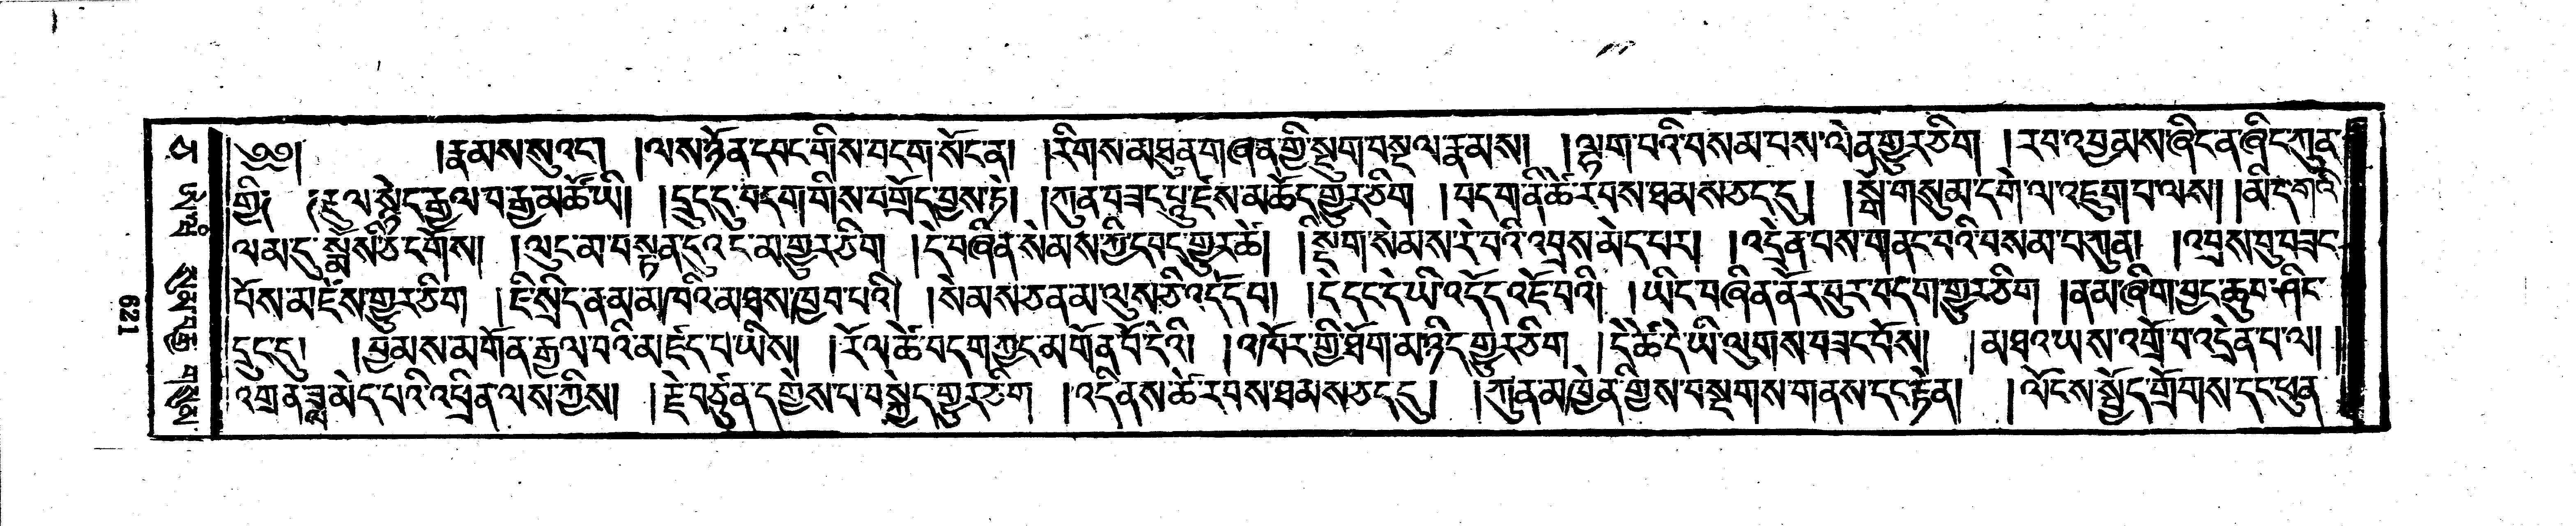༄༅། །རྣམས་སུའང་། །ལས་ཉོན་དབང་གིས་བདག་སོང་ན། །རིགས་མཐུན་གཞན་གྱི་སྡུག་བསྔལ་རྣམས། །ལྷག་པའི་བསམ་པས་ལེན་གྱུར་ཅིག །རབ་འབྱམས་ཞིང་ན་ཞིང་ཀུན་
གྱི༑ ༑རྡུལ་སྙེད་རྒྱལ་བ་རྒྱ་མཚོ་ཡི། །དྲུང་དུ་བདག་གིས་བགྲོད་བྱས་ཏེ། །ཀུན་བཟང་པཱུ་ཛས་མཆོད་གྱུར་ཅིག །བདག་ནི་ཚེ་རབས་ཐམས་ཅད་དུ། །སྒོ་གསུམ་དགེ་ལ་འཇུག་པ་ལས། །མི་དགེའི་
ལམ་དུ་སྨོས་ཅི་དགོས། །ལུང་མ་བསྟན་དུའང་མ་གྱུར་ཅིག །དེ་བཞིན་སེམས་ཀྱི་དབང་གྱུར་ཚེ། །སྡིག་སེམས་རེ་བའི་འབྲས་མེད་པར། །འདྲེན་པས་གནང་བའི་བསམ་པ་ཀུན། །འབྲས་བུ་བཟང་
པོས་མཛེས་གྱུར་ཅིག །ཇི་སྲིད་ནམ་མཁའི་མཐས་ཁྱབ་པའི། །སེམས་ཅན་མ་ལུས་ཅི་འདོད་པ། །དེ་དང་དེ་ཡི་འདོད་འཇོ་བའི། །ཡིད་བཞིན་ནོར་བུར་བདག་གྱུར་ཅིག །ནམ་ཞིག་བྱང་ཆུབ་ཤིང་
དྲུང་དུ། །བྱམས་མགོན་རྒྱལ་བའི་མཛད་པ་ཡིས། །རོལ་ཚེ་བདག་ཀྱང་མགོན་པོ་དེའི། །འཁོར་གྱི་ཐོག་མ་ཉིད་གྱུར་ཅིག །དེ་ཚེ་དེ་ཡི་ལུགས་བཟང་པོས། །མཐའ་ཡས་འགྲོ་བ་འདྲེན་པ་ལ། །
འགྲན་ཟླ་མེད་པའི་འཕྲིན་ལས་ཀྱིས། །རྗེ་བཙུན་དགྱེས་པ་བསྐྱེད་གྱུར་ཅིག །འདི་ནས་ཚེ་རབས་ཐམས་ཅད་དུ། །ཀུན་མཁྱེན་གྱིས་བསྔགས་གནས་དང་རྟེན། །ལོངས་སྤྱོད་གྲོགས་དང་ཕུན་